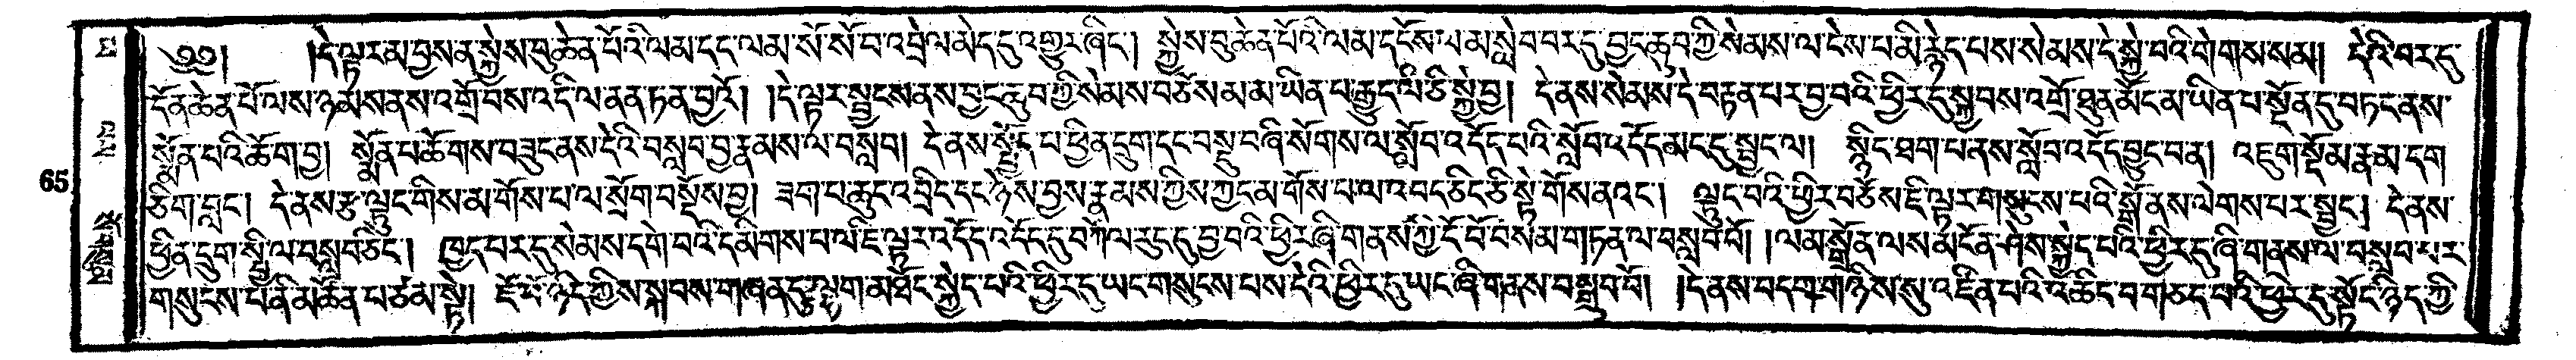༄༅། །དེ་ལྟར་མ་བྱས་ན་སྐྱེས་བུ་ཆེན་པོའི་ལམ་དད་ལམ་སོ་སོ་བ་འབྲེལ་མེད་དུ་འགྱུར་ཞིང་། སྐྱེས་བུ་ཆེན་པོའི་ལམ་དངོས་ལ་མ་སླེབ་བར་དུ་བྱང་ཆུབ་ཀྱི་སེམས་ལ་ངེས་པ་མི་རྙེད་པས་སེམས་དེ་སྐྱེ་བའི་གེགས་སམ། དེའི་བར་དུ་
དོན་ཆེན་པོ་ལས་ཉམས་ནས་འགྲོ་བས་འདི་ལ་ནན་ཏན་བྱའོ། །དེ་ལྟར་སྦྱངས་ནས་བྱང་ཆུབ་ཀྱི་སེམས་བཅོས་མ་མ་ཡིན་པ་རྒྱུད་ལཾ་ཅི་སྐྱེ་བྱ། དེ་ནས་སེམས་དེ་བརྟན་པར་བྱ་བའི་ཕྱིར་དུ་སྐྱབས་འགྲོ་ཐུན་མོང་མ་ཡིན་པ་སྔོན་དུ་བཏང་ནས་
སྨོན་པའི་ཆོག་བྱ། སྨོན་པ་ཆོགས་བཟུང་ནས་དེའི་བསླབ་བྱ་རྣམས་ལ་བསླབ། དེ་ནས་སྤྱོད་པ་ཕྱིན་དྲུག་དང་བསྡུ་བཞི་སོགས་ལ་སློབ་འདོད་པའི་སློབ་འདོད་མང་དུ་སྦྱང་ལ། སྙིང་ཐག་པ་ནས་སློབ་འདོད་བྱུང་བ་ན། འཇུག་སྡོམ་རྣམ་དག་
ཅིག་བླང་། དེ་ནས་རྩ་ལྟུང་གིས་མ་གོས་པ་ལ་སྲོག་བསྡོས་བྱ། ཟག་བ་ཆུང་འབྲིང་དང་ཉེས་བྱས་རྣམས་ཀྱིས་ཀྱང་མ་གོས་པ་ལ་འབད་ཅིང་ཅི་སྟེ་གོས་ནའང་། ལྟུང་བའི་ཕྱིར་བཅོས་ཇི་ལྟར་གསུངས་པའི་སྒོ་ནས་ལེགས་པར་སྦྱང་། དེ་ནས་
ཕྱིན་དྲུག་སྤྱི་ལ་བསླབ་ཅིང་། ཁྱད་པར་དུ་སེམས་དགེ་བའི་དམིགས་པ་ལ་ཇི་ལྟར་འདོད་འདོང་དུ་བཀོལ་རུང་དུ་བྱ་བའི་ཕྱིར་ཞི་གནས་ཀྱི་ངོ་བོ་བསམ་གཏན་ལ་བསླབ་བོ། །ལམ་སྒྲོན་ལས་མངོན་ཤེས་སྐྱེད་པའི་ཕྱིར་དུ་ཞི་གནས་ལ་བསླབ་པར་
གསུངས་པ་ནི་མཚོན་པ་ཙམ་སྟེ། ཇོ་བོ་ཉིད་ཀྱིས་སྐབས་གཞན་དུ་ལྷག་མཐོང་སྐྱེད་པའི་ཕྱིར་དུ་ཡང་གསུངས་པས་དེའི་ཕྱིར་དུ་ཡང་ཞི་གནས་བསྒྲུབ་བོ། །དེ་ནས་བདག་གཉིས་སུ་འཛིན་པའི་འཆིང་བ་གཅད་པའི་ཕྱིར་དུ་སྟོང་ཉིད་ཀྱི་